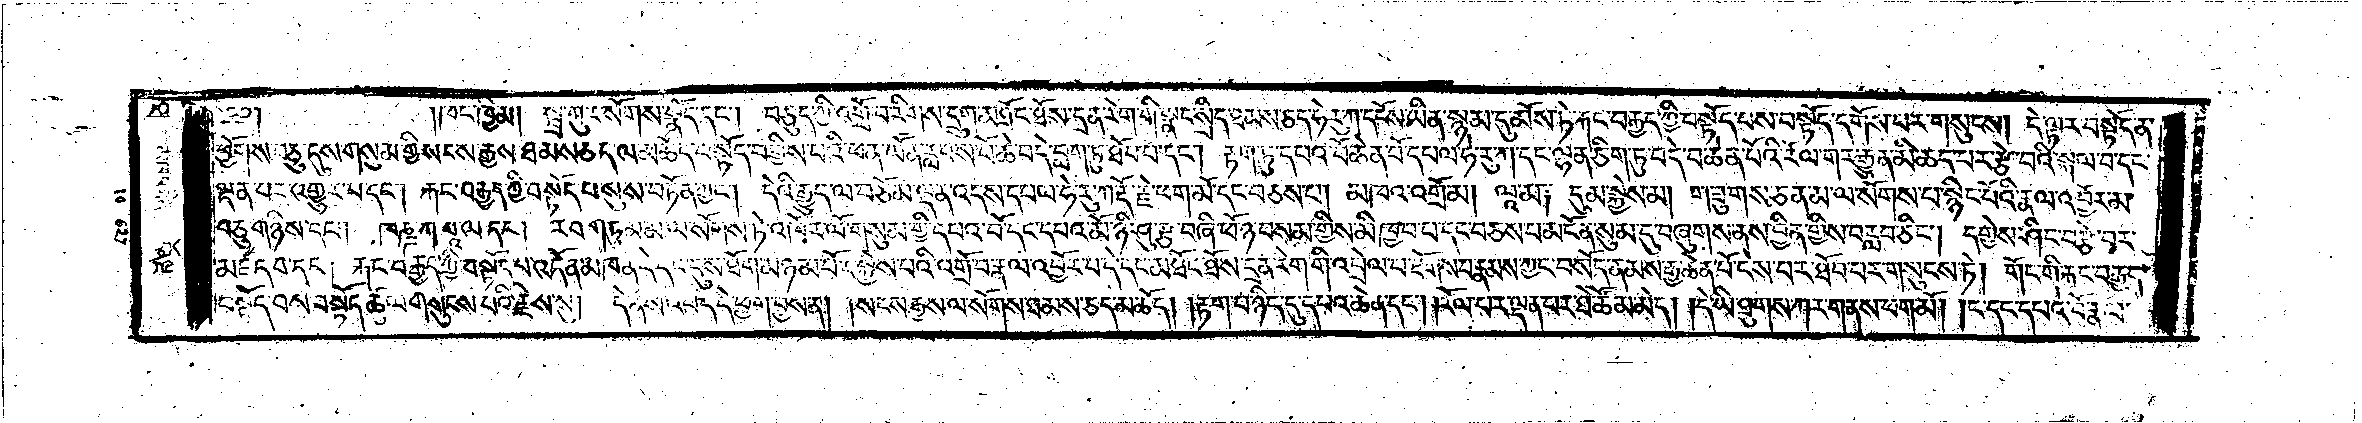༄༅། །ཁང་ཁྱིམ། སྦྲ་གུར་སོགས་སྣོད་དང་། བཅུད་ཀྱི་འགྲོ་བ་རིགས་དྲུག་མཐོང་ཐོས་དྲན་རེག་གི་སྣང་སྲིད་ཐམས་ཅད་ཧེ་རུ་ཀ་དངོས་ཡིན་སྙམ་དུ་མོས་ཏེ་རྐང་བརྒྱད་ཀྱི་བསྟོད་པས་བསྟོད་དགོས་པར་གསུངས། དེ་ལྟར་བསྟོད་ན་
ཕྱོགས་བཅུ་དུས་གསུམ་གྱི་སངས་རྒྱས་ཐམས་ཅད་ལ་མཆོད་བསྟོད་བགྱིས་པའི་ཕན་ཡོན་རླབས་པོ་ཆེ་བདེ་བླག་ཏུ་ཐོབ་པ་དང་། རྟག་ཏུ་དཔའ་བོ་ཆེན་པོ་དཔལ་ཧེ་རུ་ཀ་དང་ལྷན་ཅིག་ཏུ་བདེ་བ་ཆེན་པོའི་རོལ་གར་རྒྱུན་མི་ཆད་པར་རྩེ་བའི་སྐལ་བ་དང་
ལྡན་པར་འགྱུར་བ་དང་། རྐང་བརྒྱད་ཀྱི་བསྟོད་པ་སུས་བཏོན་ཀྱང་། དེའི་རྒྱུད་ལ་བཅོམ་ལྡན་འདས་དཔལ་ཧེ་རུ་ཀ་རྡོ་རྗེ་ཕག་མོ་དང་བཅས་པ། མཁའ་འགྲོ་མ། ལཱ་མ༑ དུ་མ་སྐྱེས་མ། གཟུགས་ཅན་མ་ལ་སོགས་པ་སྙིང་པོའི་རྣལ་འབྱོར་མ་
བཅུ་གཉིས་དང་། ཁཎྜ་ཀ་པཱ་ལ་དང་། རབ་གཏུམ་མ་ལ་སོགས་ཏེ་འཁོར་ལོ་གསུམ་གྱི་དཔའ་བོ་དང་དཔའ་མོ་ཉི་ཤུ་རྩ་བཞི་ཕོ་ཉ་བསམ་གྱིས་མི་ཁྱབ་པ་དང་བཅས་པ་མངོན་སུམ་དུ་བཞུགས་ནས་བྱིན་གྱིས་བརླབ་ཅིང་། དགྱེས་ཤིང་བརྩེ་བར་
མཛད་པ་དང་། རྐང་བརྒྱད་ཀྱི་བསྟོད་པ་འདོན་མཁན་དེ་དང་དུས་ཐོག་མཉམ་པོར་སྐྱེས་པའི་འགྲོ་བ་རྣལ་འབྱོར་པ་དེ་དང་མཐོང་ཐོས་དྲན་རེག་གི་འབྲེལ་པ་ཐོགས་པ་རྣམས་ཀྱང་བསོད་ནམས་རྒྱ་ཆེན་པོ་ངེས་པར་ཐོབ་པར་གསུངས་ཏེ། གོང་གི་རྐང་བརྒྱད་
བསྟོད་པས་བསྟོད་ཚུལ་གསུངས་པའི་རྗེས་སུ། དེ་ནས་འབད་དེ་ཕྱག་བྱས་ན། །སངས་རྒྱས་ལ་སོགས་ཐམས་ཅད་མཆོད། །རྟག་པ་ཉིད་དུ་དཔའ་ཆེན་དང་། །རོལ་བར་ལྡན་པར་ཐེ་ཚོམ་མེད། །དེ་ཡི་ཐུགས་ཀར་གནས་ཕག་མོ། །ང་དང་དཔའ་བོ་རྣལ་